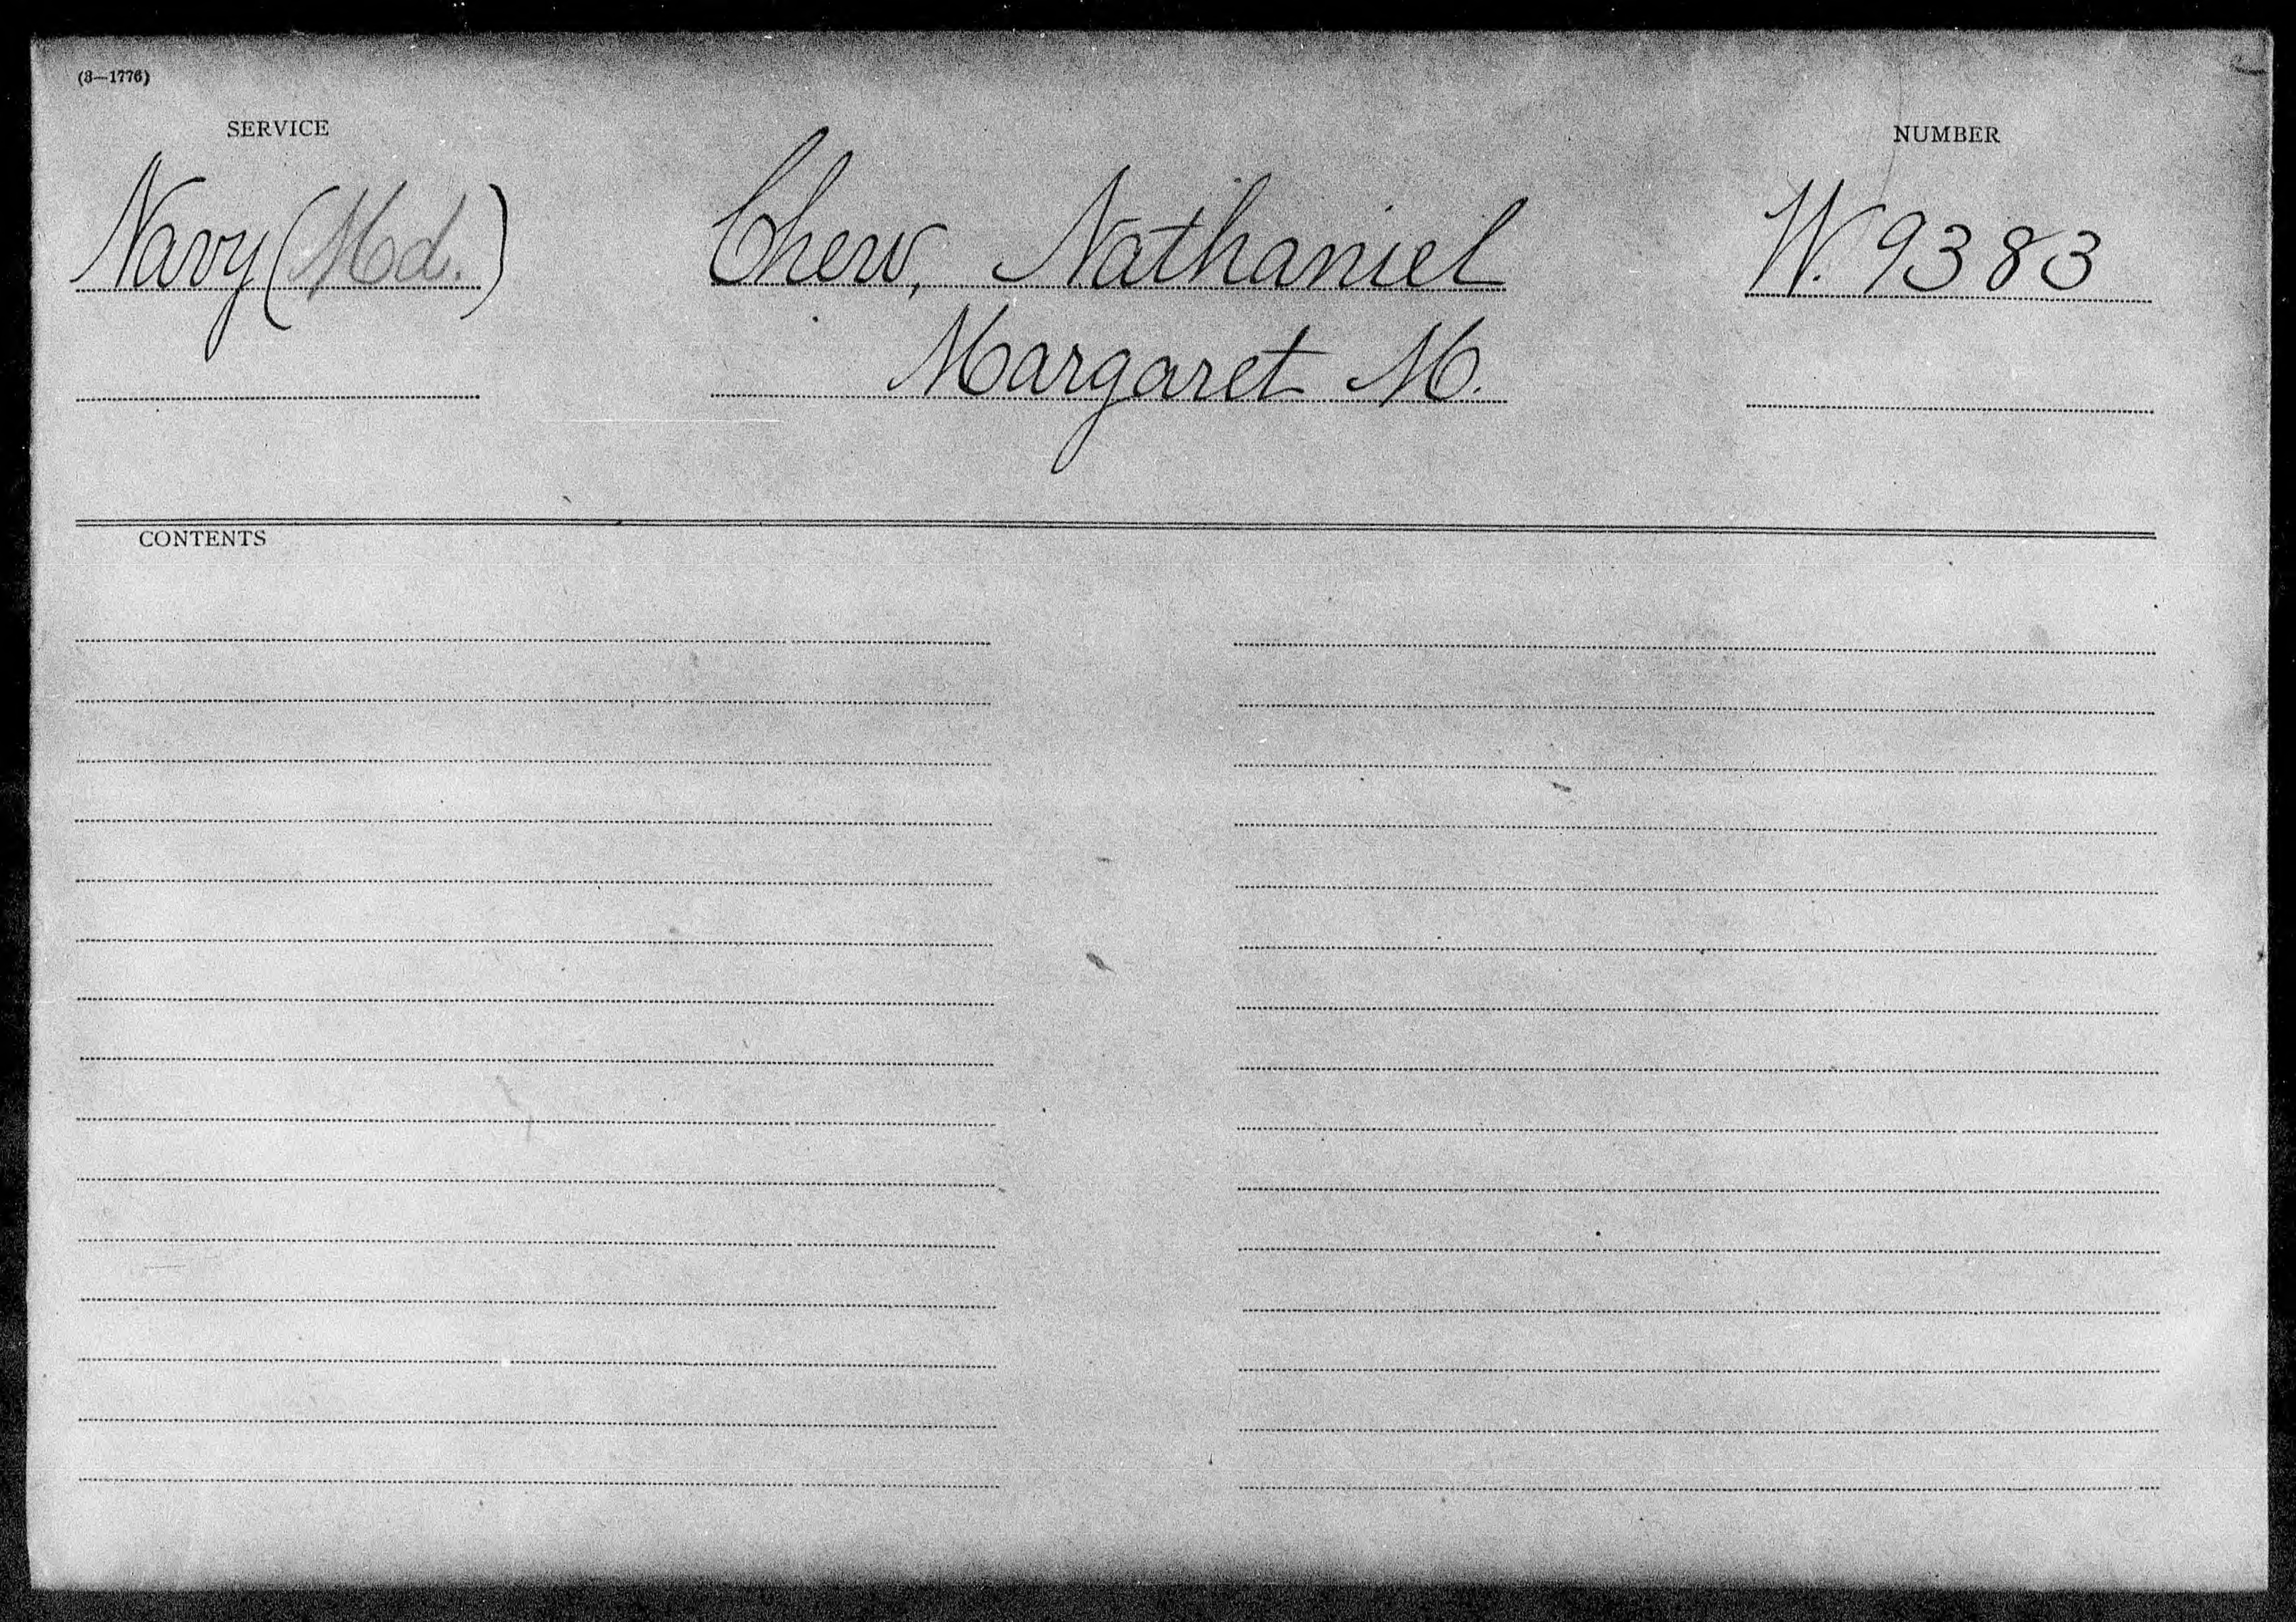Navy (Md.)  Chew, Nathaniel  W. 9383
Margaret M.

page: 1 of 59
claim: widow's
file: W. 9383, Nathaniel Chew, Navy (Md.)